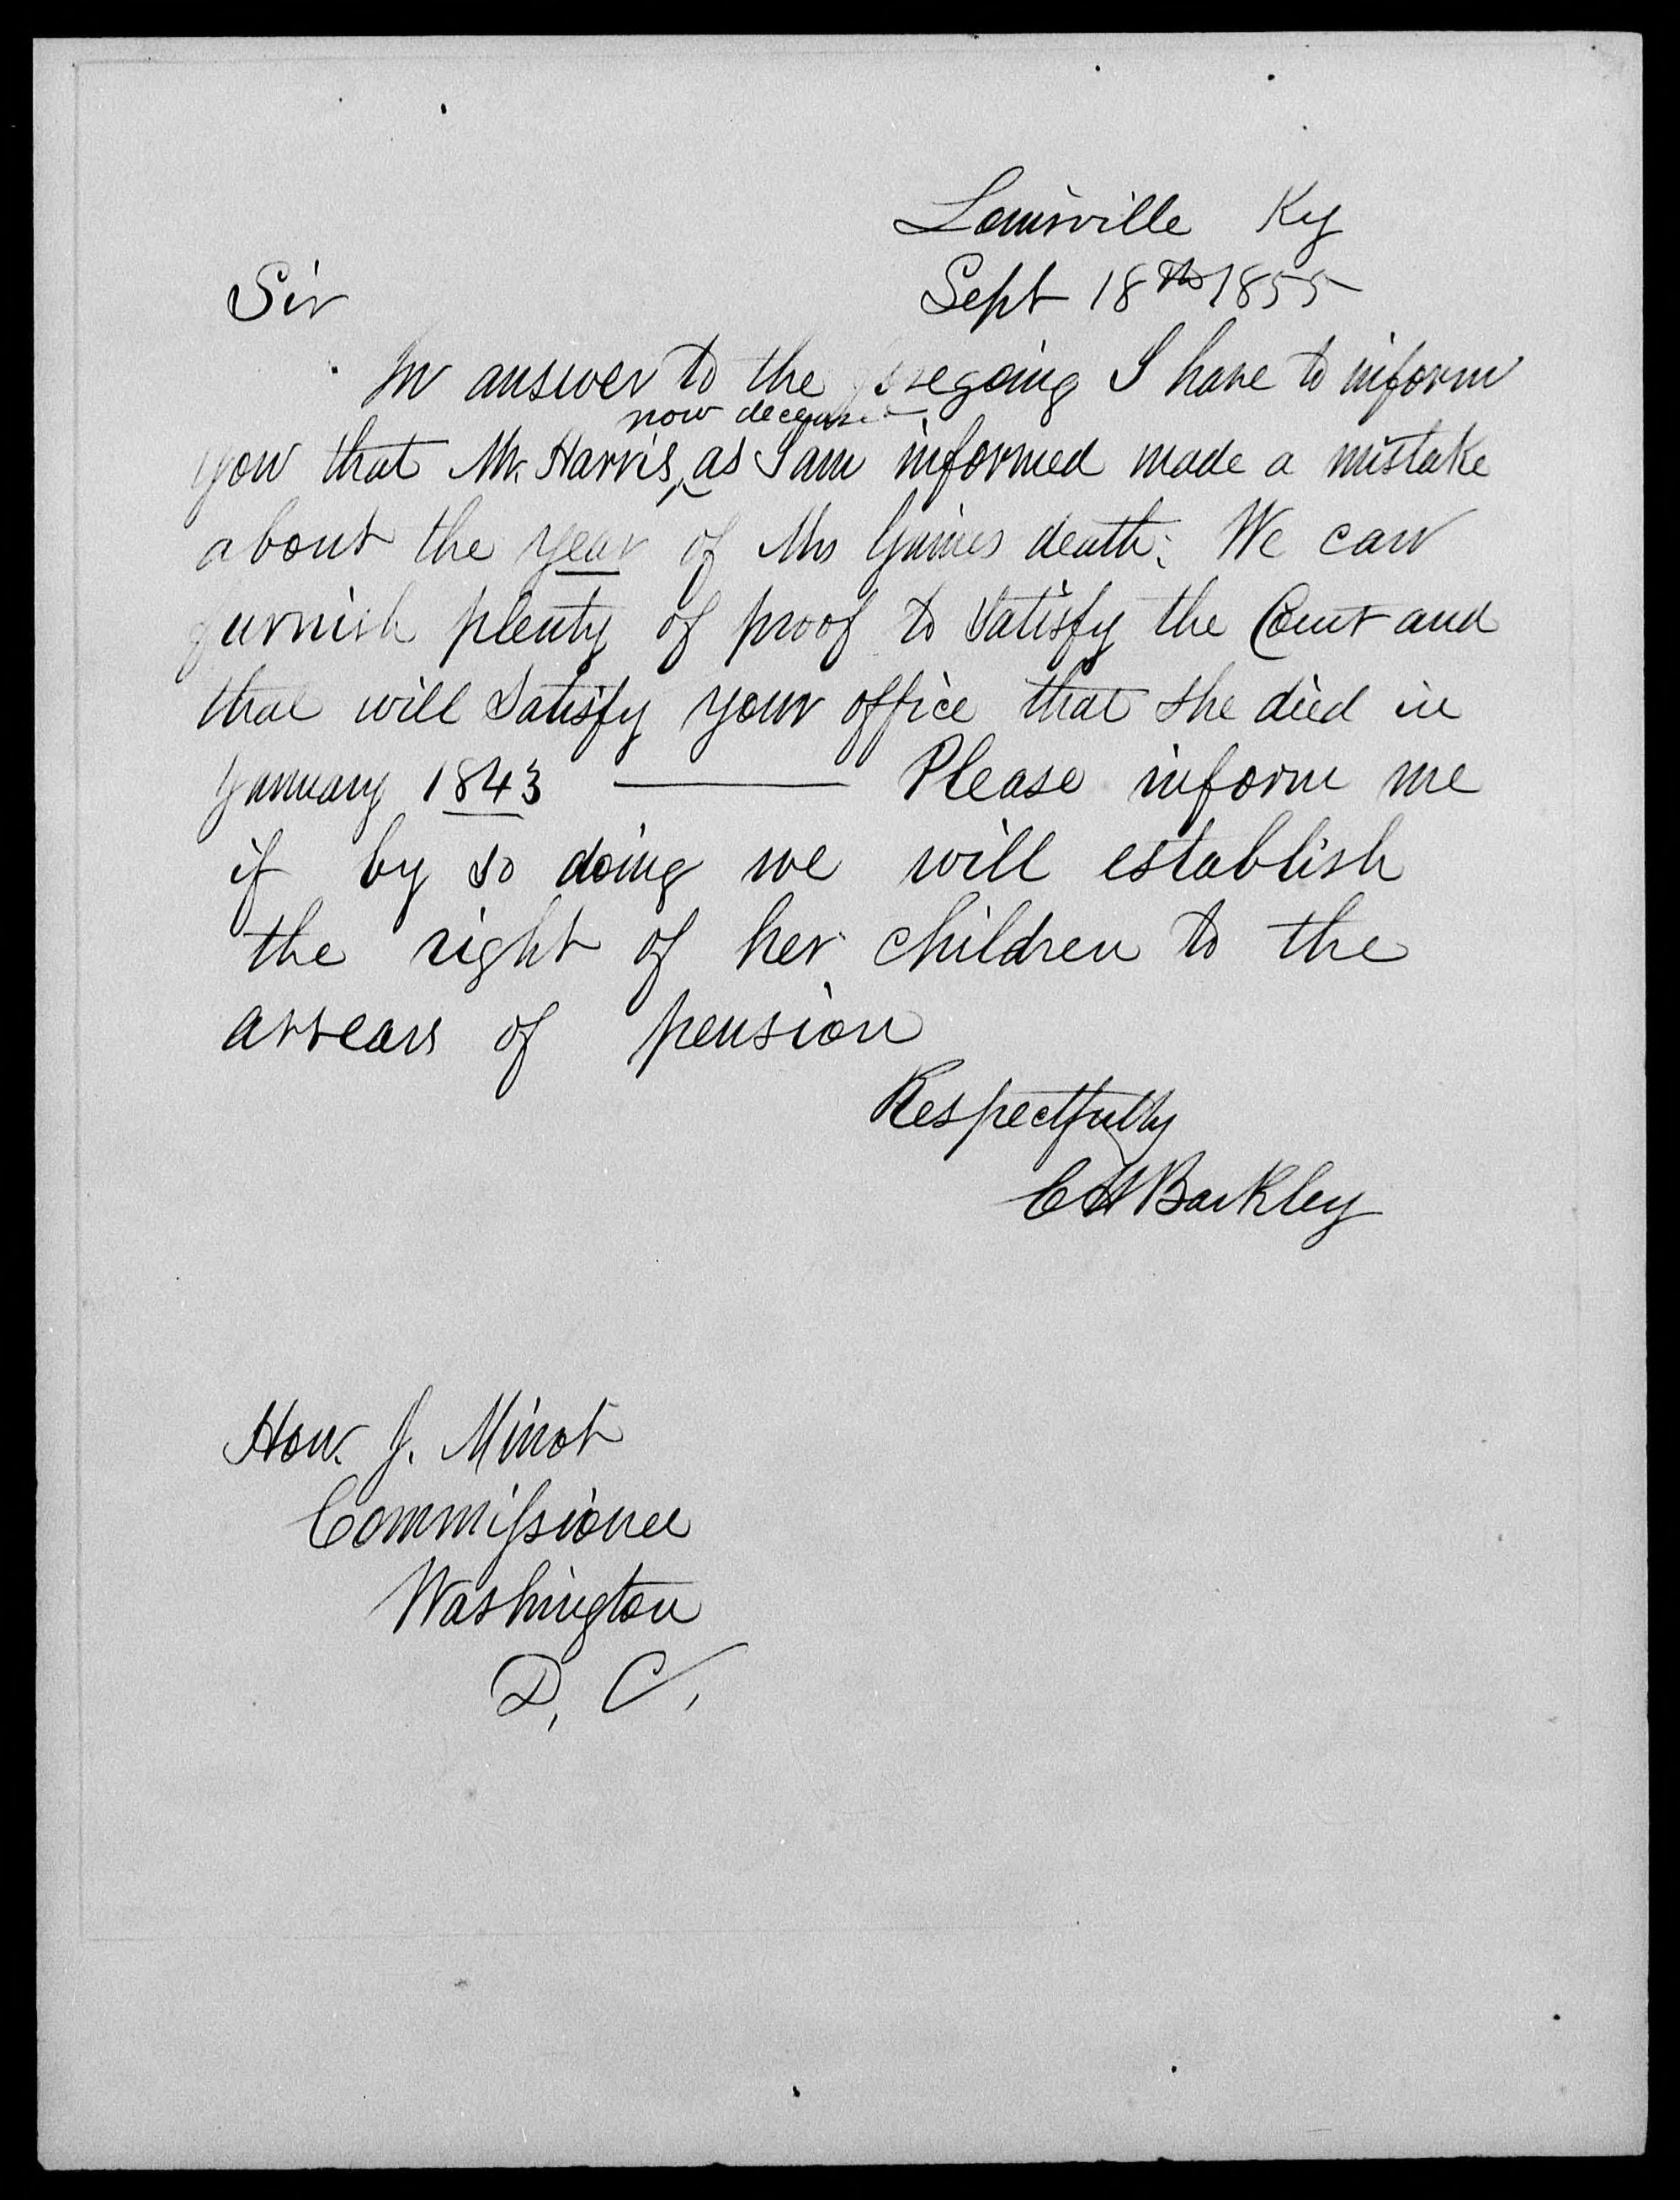Louisville Ky
Sept 18th 1855
Sir
In answer to the foregoing I have to inform
you that Mr. Harris now deceased as I am informed made a mistake
about the year of Mrs Gaines death. We can
furnish plenty of proof to satisfy the Court and
that will satisfy your office that she died in
January 1843 - Please inform me
if by so doing we will establish
the right of her children to the
arrears of pension
Respectfully
C H Barkley

Hon. J. Minot
Commissioner
Washington
D. C.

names: Harris, C H Barkley, J Minot, Gaines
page: 69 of 79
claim: rejected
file: R. 3863, Robert Gaines, Va.